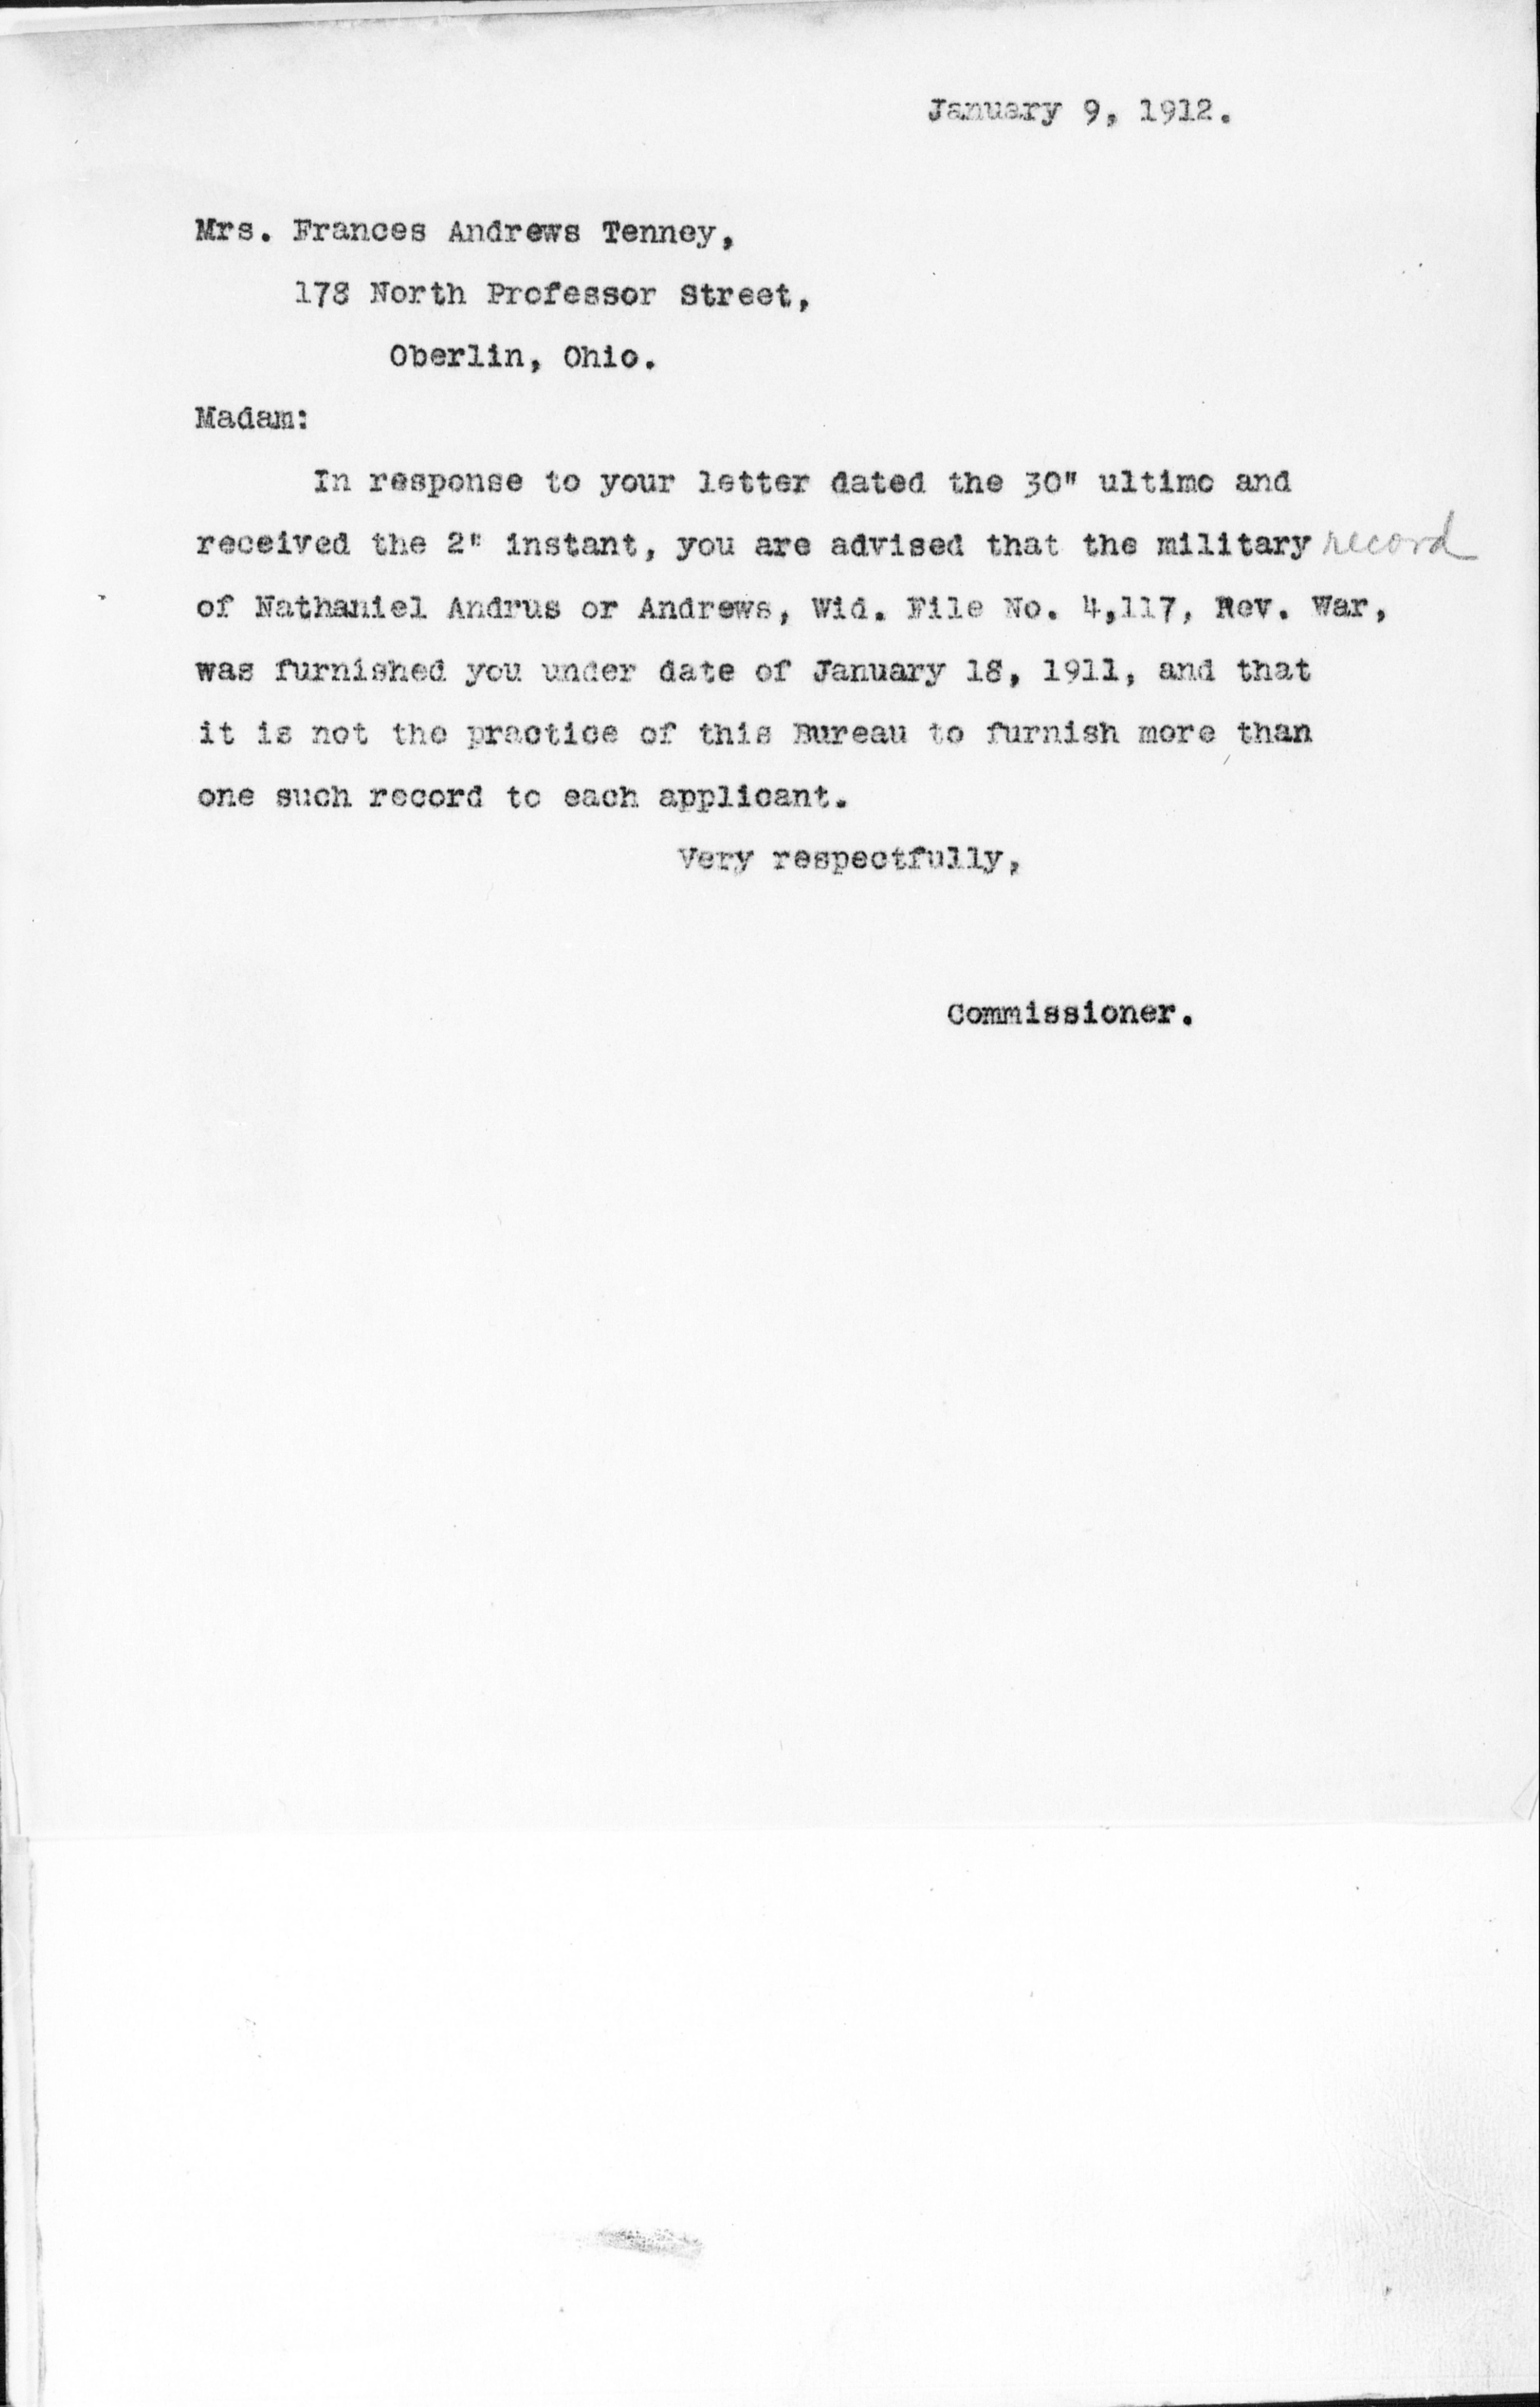January 9, 1912.
Mrs. Frances Andrews Tenney,
178 North Professor Street,
Oberlin, Ohio.
Madam:

In response to your letter dated the 30" ultimo and
received the 2" instant, you are advised that the military Record
of Nathaniel Andrus or Andrews, Wid. File No. 4,117, Rev. War,
was furnished you under date of January 18, 1911, and that
it is not the practice of this Bureau to furnish more than
one such record to each applicant.
Very respectfully,
Commissioner.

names: Nathaniel Andrus, Nathaniel Andrews, Frances Andrews Tenney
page: 78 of 78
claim: widow's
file: W. 4117, Nathaniel Bradley, Conn.